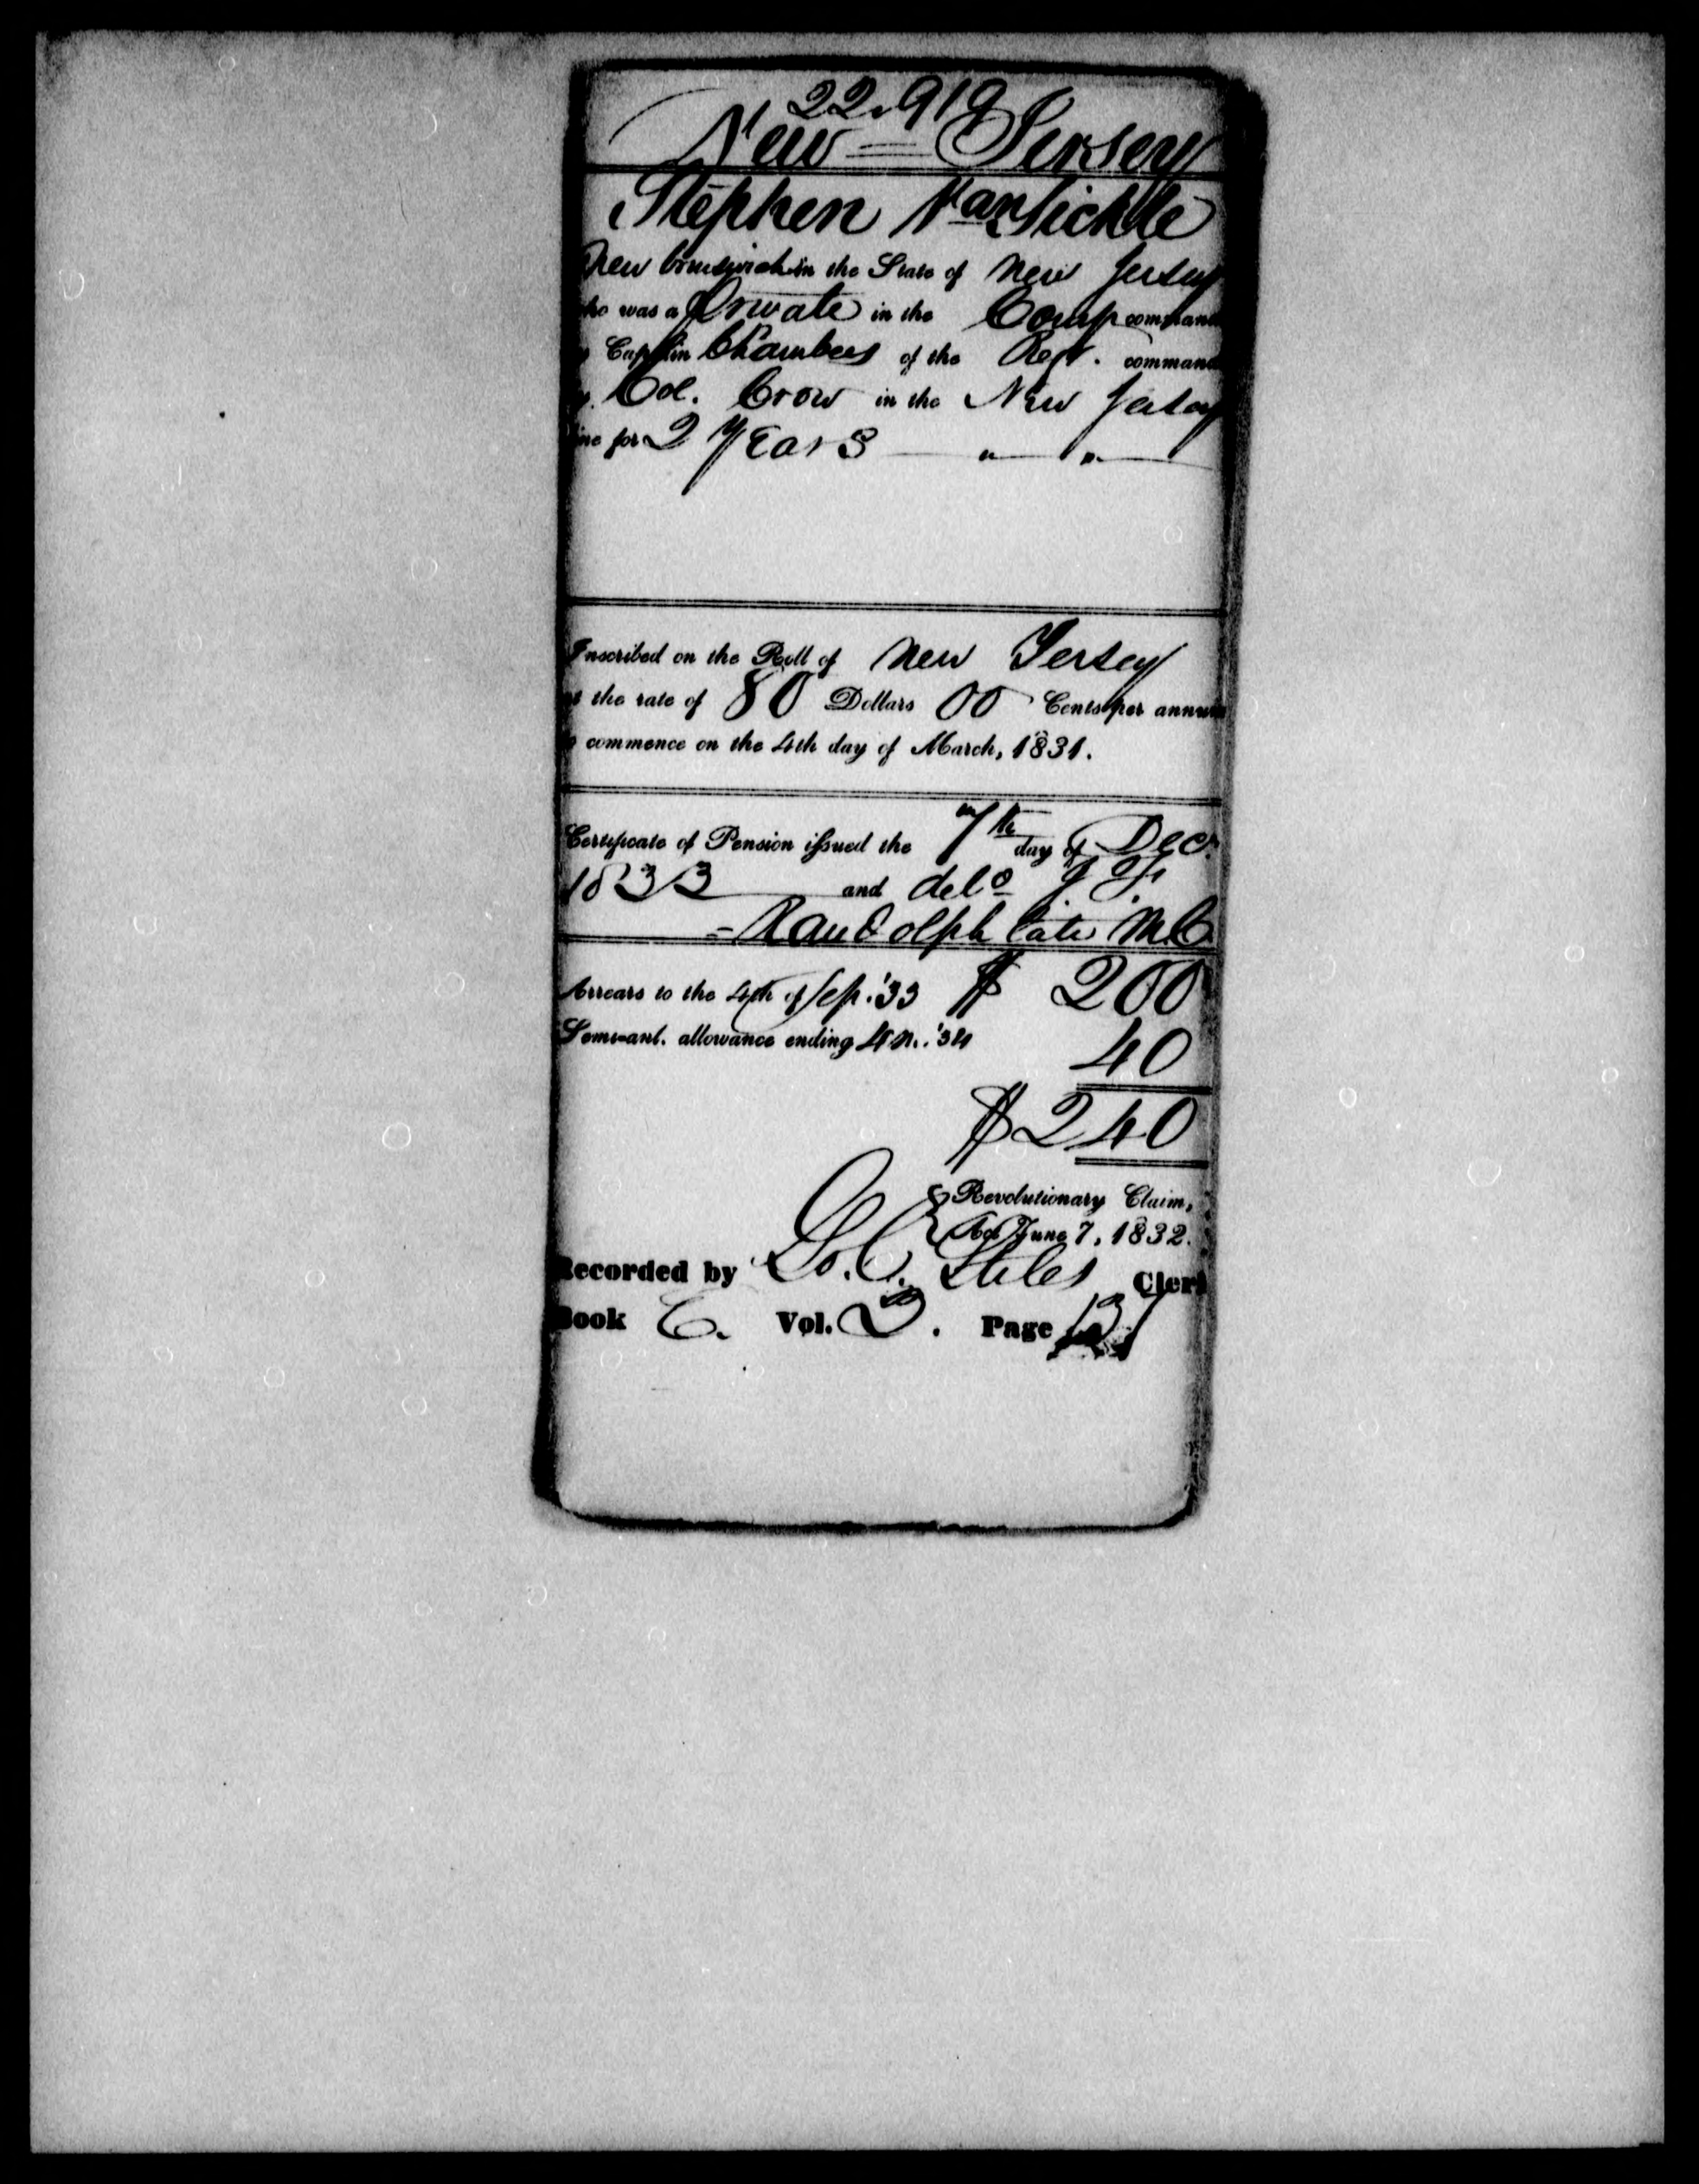22.919
New Jersey
Stephen Van Sickle

New Counswich in the State of New Jersey
was a private in the Componham
Chambers of the Regt. command
Col. Crow in the New Jersey
2 years ┃
Inscribed on the Roll of New Jersey
the rate of 80 Dollars 00 Cents per ann
commence on the 4th day of March, 1831.
of Pension issued the 7th
C
1833
and decd
Randolph late M.
Arrears to the 4th Sep. 33 $
Commant. allowance ending 4. 34
200
40
corded by
Cook
of
40
N.C. Stiles
Vol. 2. Page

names: Crow, J F Randolph, Go C Stiles, Chambers, Stephen Van Sickle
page: 2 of 12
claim: survivor's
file: S. 1136, Stephen Van Sickle, New Jersey